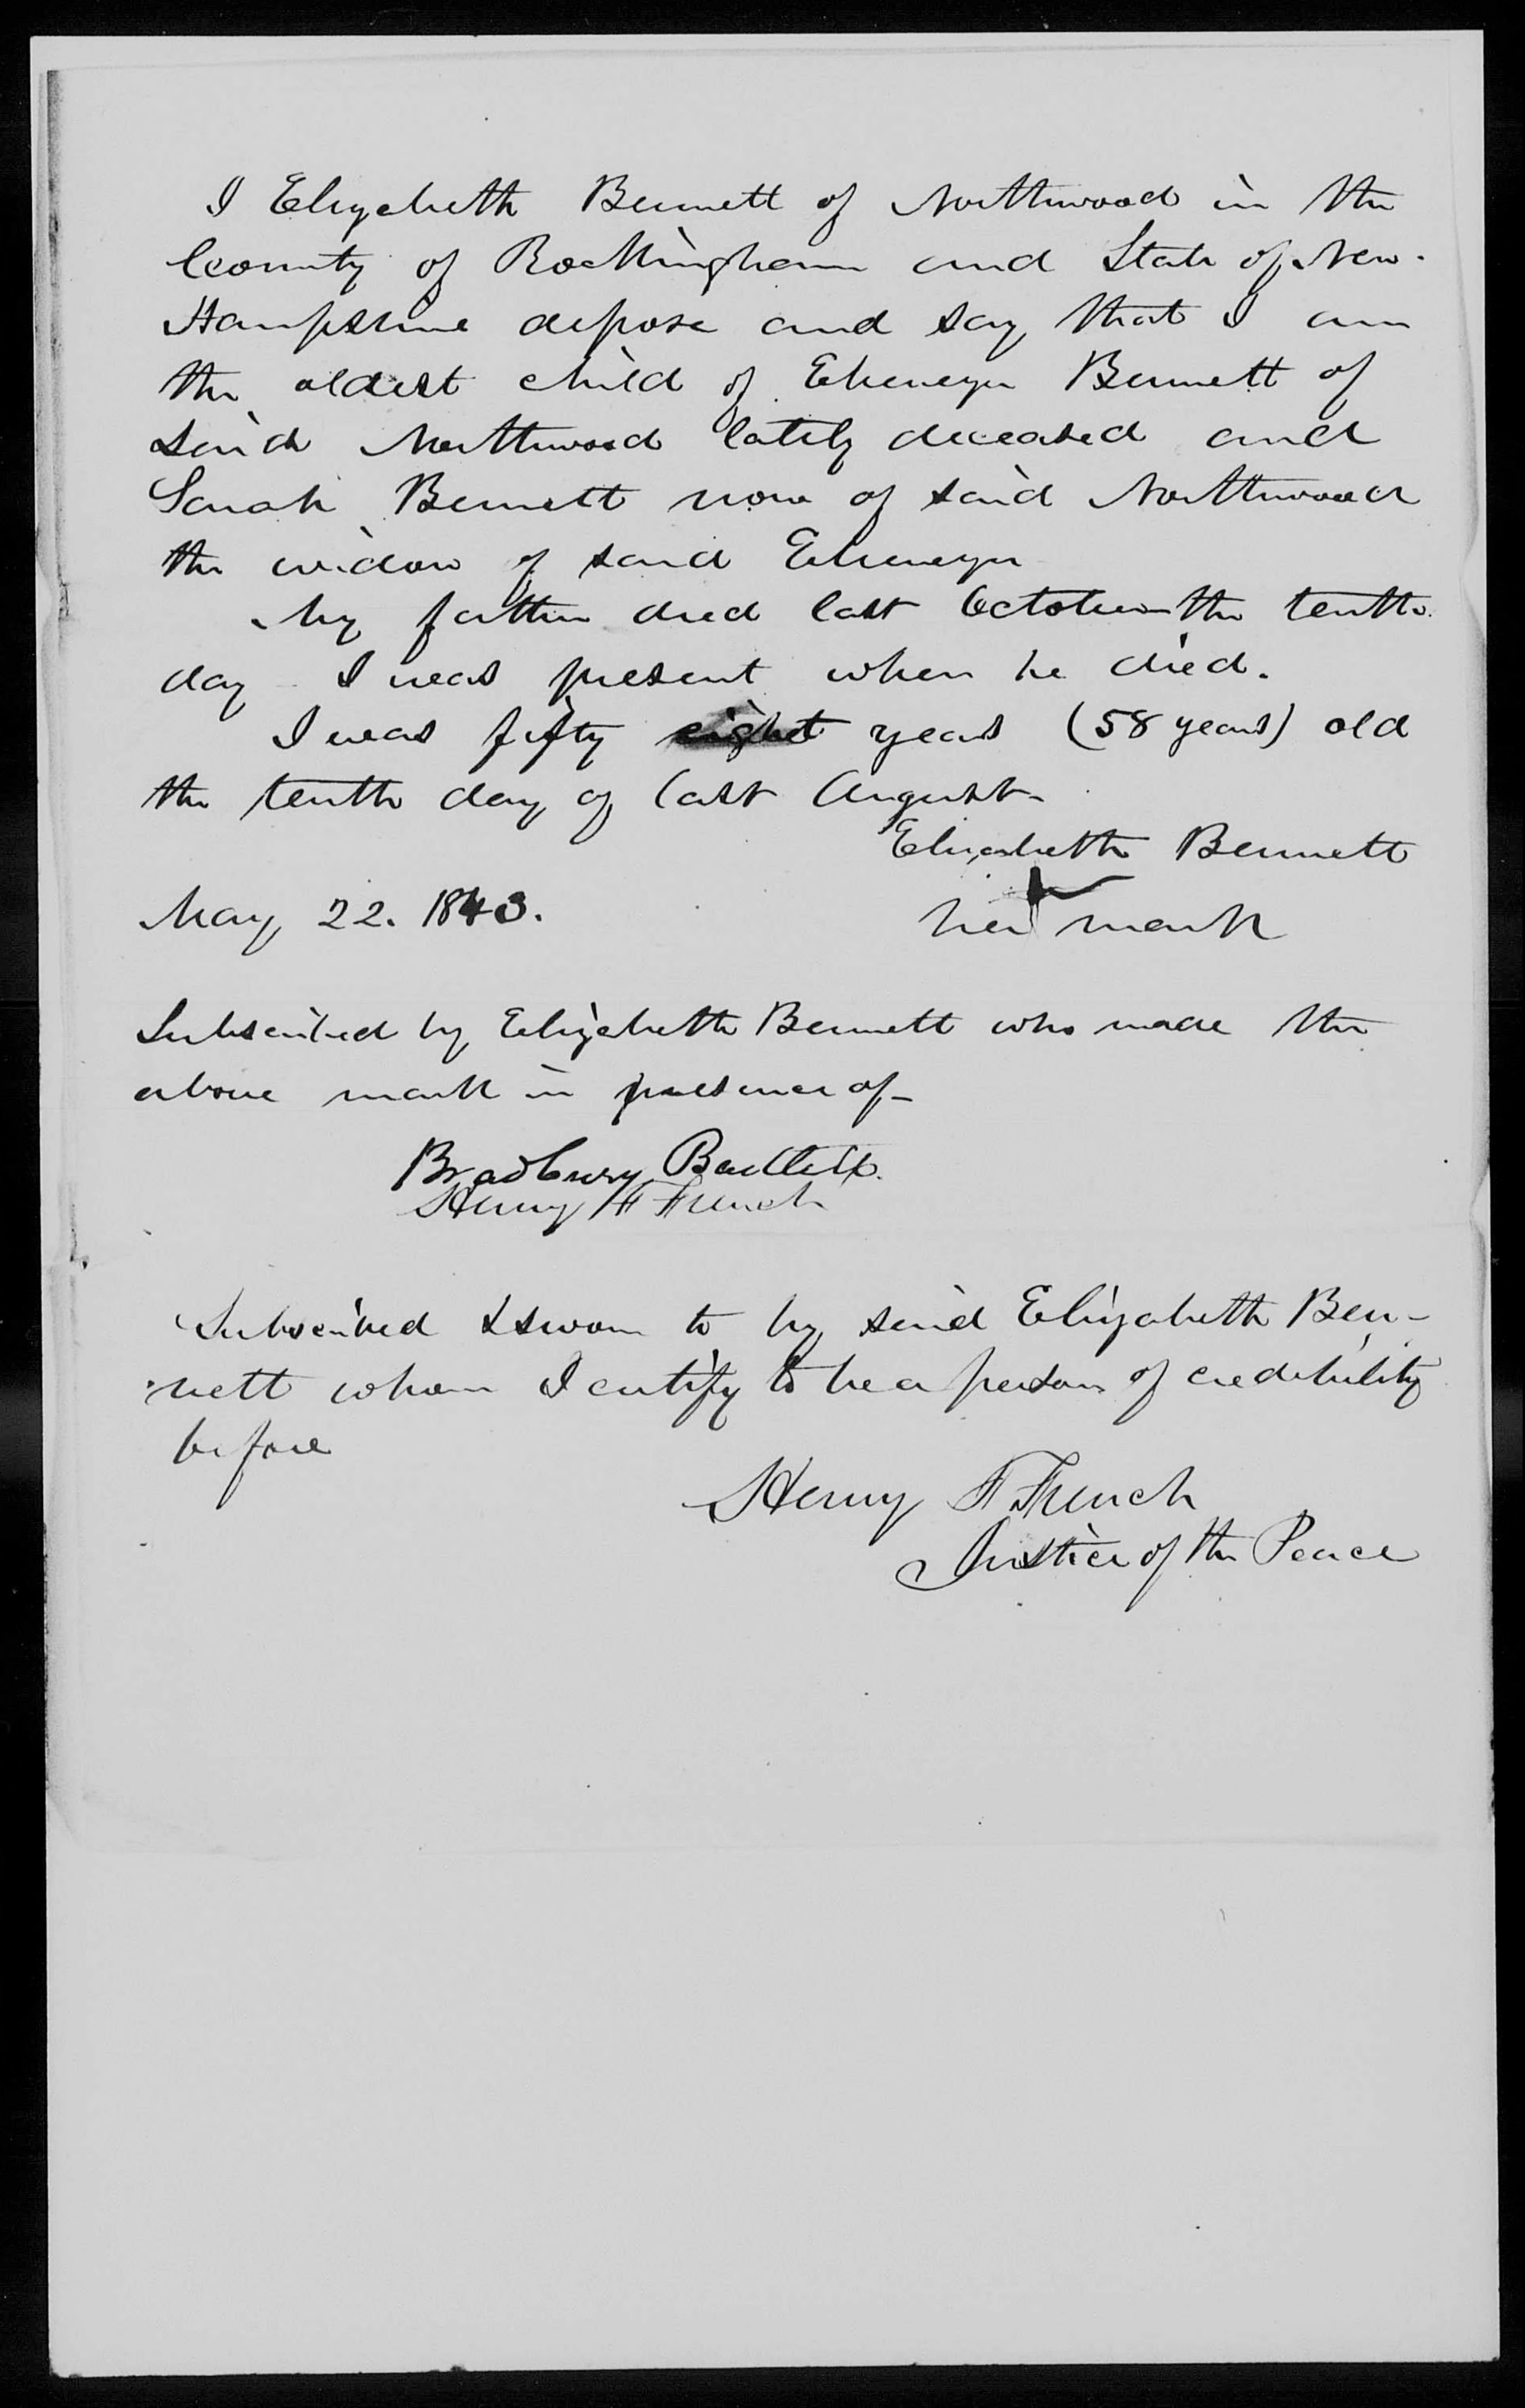I Elizabeth Bennett of Northwood in the
County of Rockingham and State of New
Hampshire depose and say that I am
the oldest child of Ebenezer Bennett of
said Northwood lately deceased and
Sarah Bennett now of said Northwood
the widow of said Ebenezer
My father died last October the tenth day
I was present when he died.
I was fifty eight years (58 years) old
the tenth day of last August
Elizabeth Bennett
May 22. 1843.    her X mark

Subscribed by Elizabeth Bennett who made the
above mark in presence of -
Bradbury Bartlett
Henry F French

before 
Subscribed & sworn to by said Elizabeth Bennett
whom I certify to be a person of credibility
before
Henry F French
Justice of the Peace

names: Ebenezer Bennett, Elizabeth Bennett, Elizabeth Bennett, Henry F French, Henry F French, Sarah Bernett, Bradbury Bartlett, Ebenezer, Elizabeth Bennett, Elizabeth Bennett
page: 17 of 43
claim: widow's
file: W. 21665, Ebenezer Bennett, N. H. Privateer.